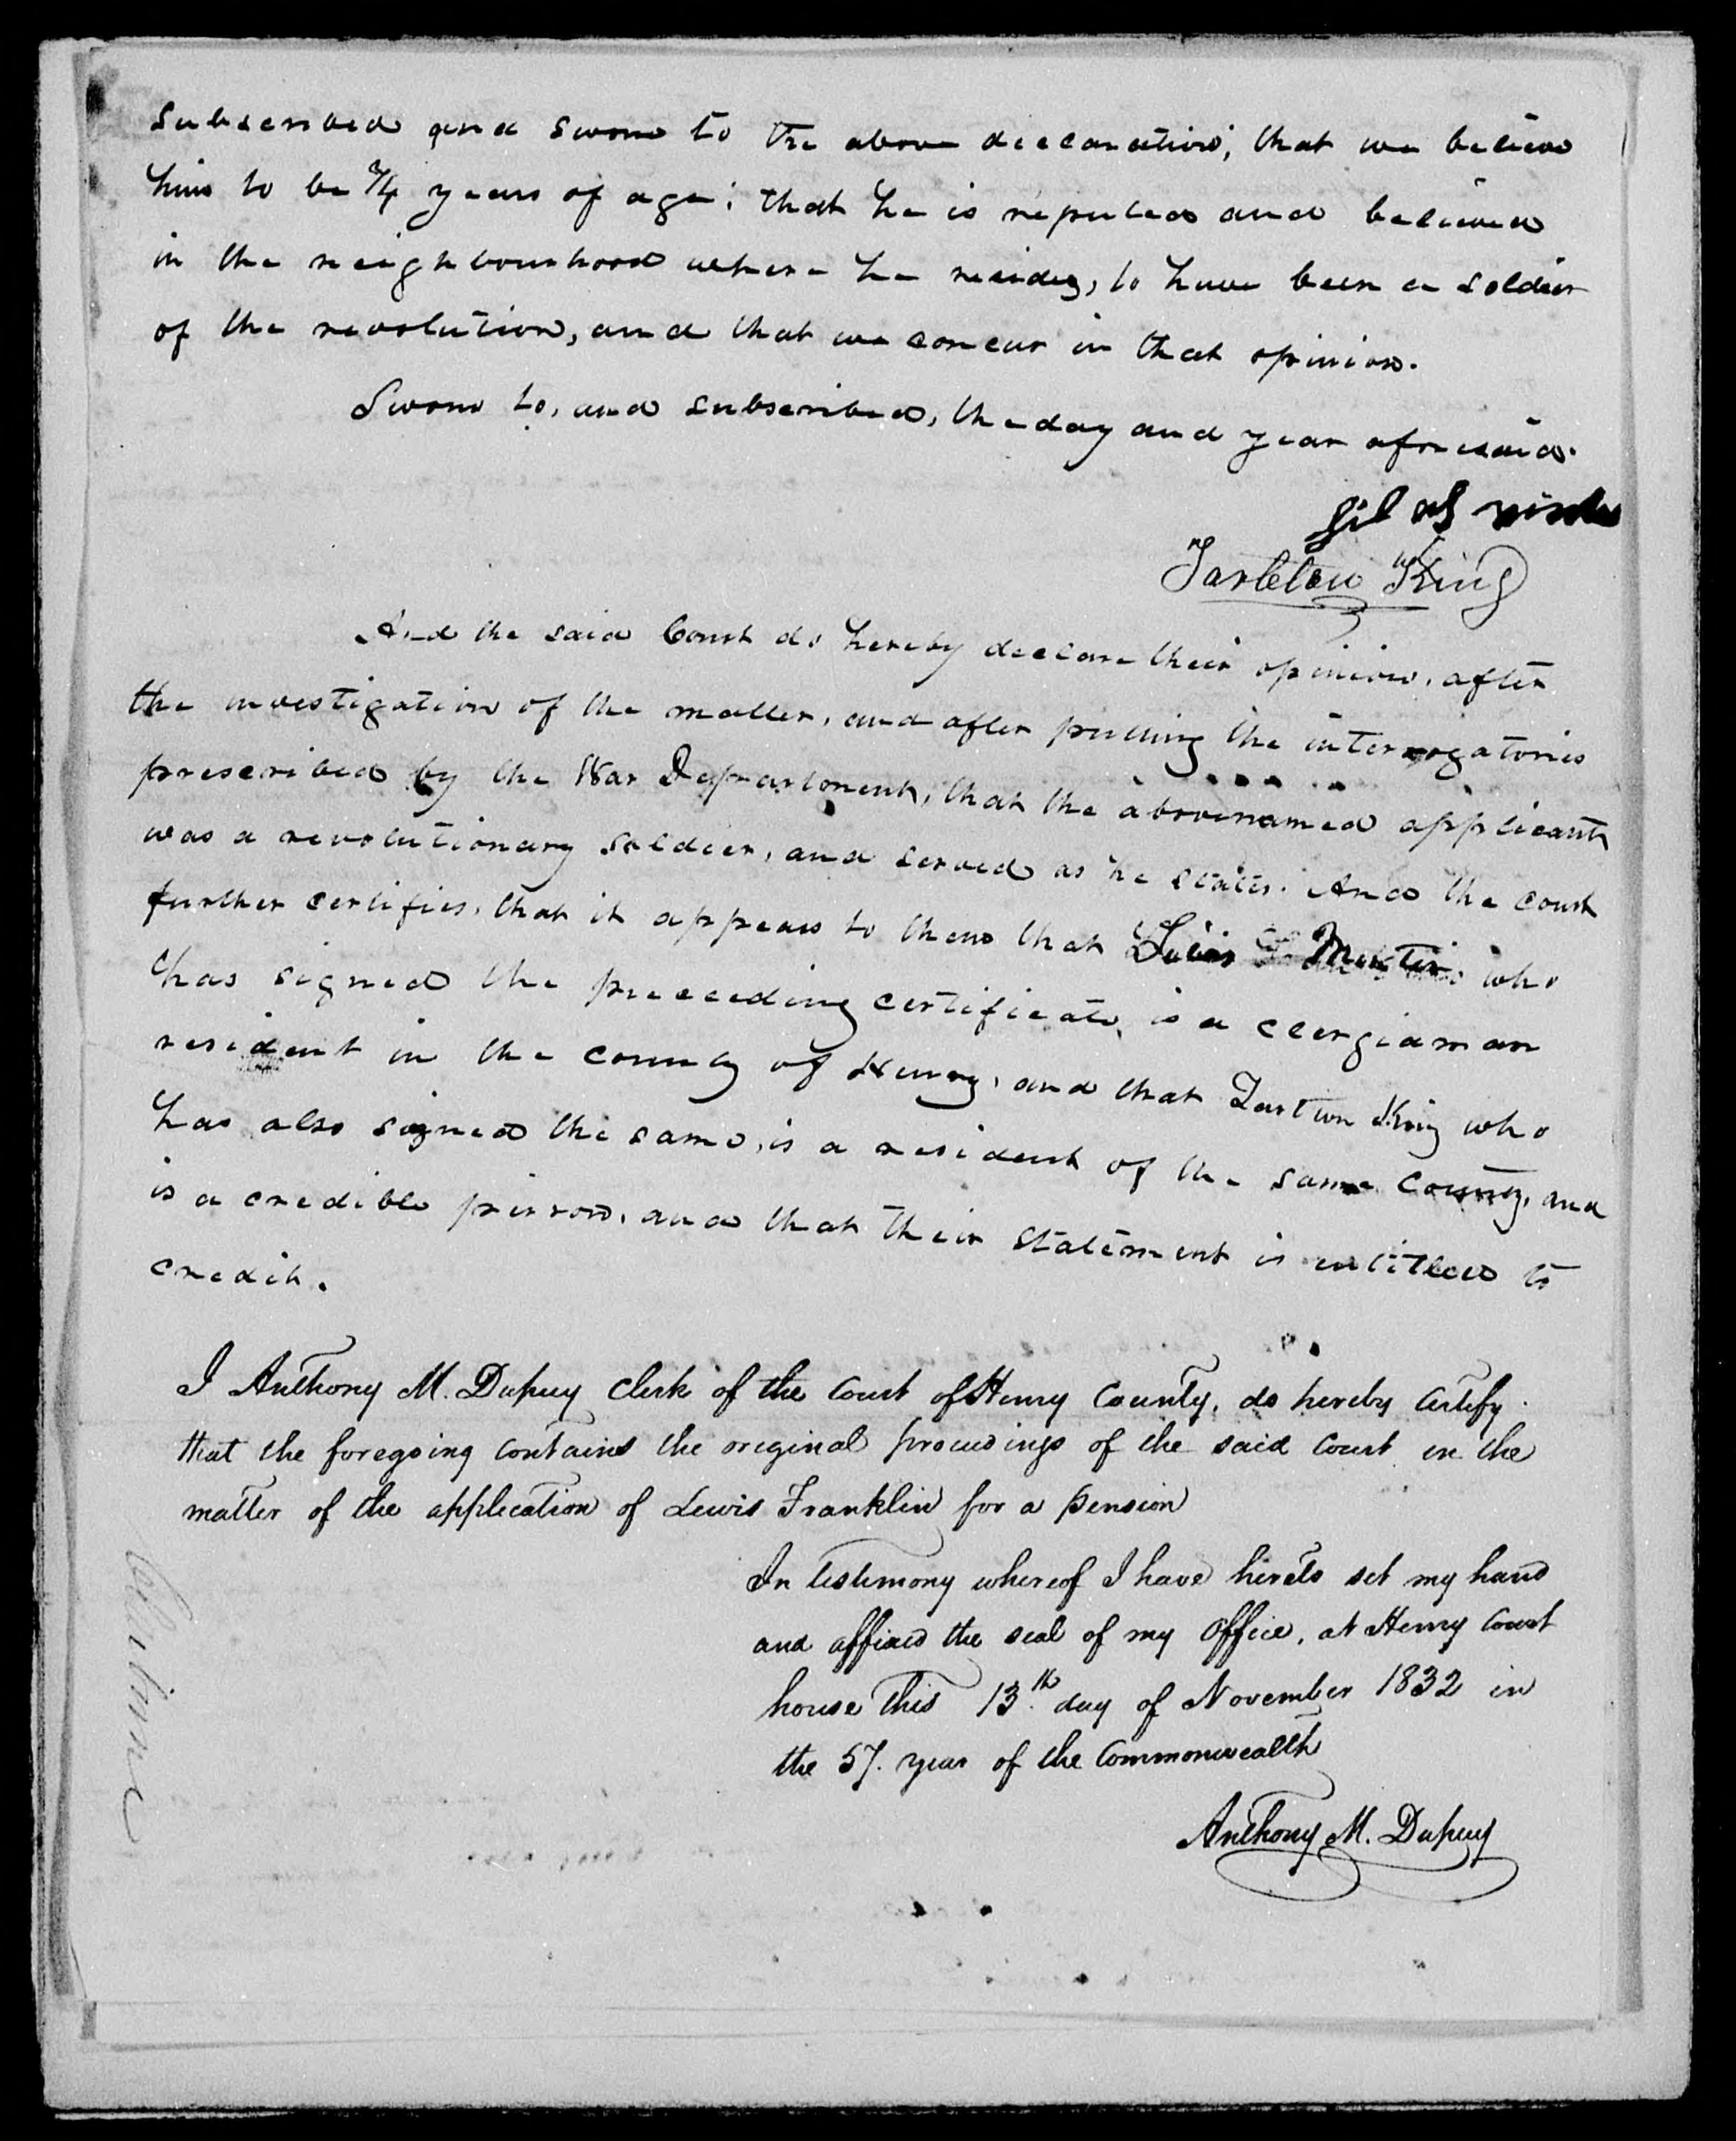Subdeane - sworn to the above declaration, that we believe this to be the y- of -; that he is and believe in the --hood when--, --been - soldier of the -, and what we-in that opinion. 
Sworn Lo, and -, the day and year afrom -
---
Tarleton King

And the-- old hereby disclose their objection, after the investigation of the matter, and after joining the interrogations - by the war department, that the above - applicant was a revolutionary soldier, and -as he -and the court further certified, that in appeals to them that Lewis Minter who has signed the proceeding certification is a - resident in the county of Henry, and that Franklin King who has also signed the same is resident of the same county, and is a creditable person, and that their statement is creditable to -.
I Anthony M. Dupuy Clerk of the court of Henry County do hereby certify that the foregoing contained the original proceedings of the said court in the matter of the application of Lewis Franklin for a pension 
In testimony where of I have - set my hand and officiate the seal of my office, at the Henry Court house this 13th day of November 1832 in the 27 year of commonwealth 
Anthony M Dupuy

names: Tarlton King, Anthony M Dupuy, Tarleton King, Lewis Franklin, Silas Minter, Silas Minter, Anthony M Dupuy, Claiborne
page: 6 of 20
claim: survivor's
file: S. 8519, Lewis Franklin, N.C. Va.